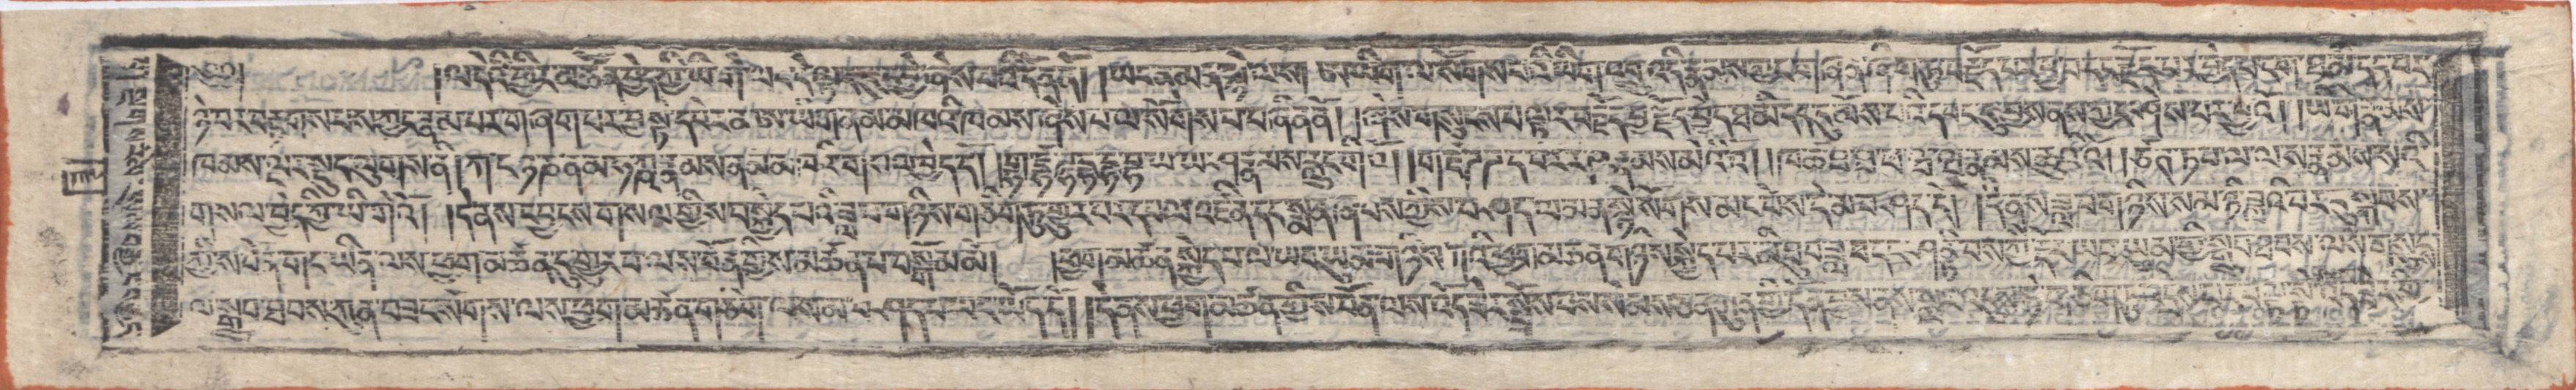༄༅། །ལ་དེའི་ཕྱིར་མཚོན་བྱེད་ཀྱི་ཡི་གེ་ཡང་དེ་ལྟར་དུ་འབྱེ་ཞེས་པའི་དོན་ནོ། །ཡང་ན་མན་སྙེ་ལས། ཨ་ཡིག་ལ་སོགས་པའི་ཡིག་འབྲུ་འདི་རྣམས་ཀྱང་གཞན་ཞིག་ཏུ་བརྗོད་པར་བྱ་བ་དང་རྗོད་པར་བྱེད་པ་དག་ཐ་མི་དད་པར་
ཉེ་བར་བརྟགས་པས་ཀྱང་རྣམ་པར་གཞག་པར་བྱ་སྟེ་དཔེར་ན་ཨ་ཡིག་ནམ་མཁའི་ཁམས་ཞེས་པ་ལ་སོགས་པ་བཞིན་ནོ། །ཞེས་གསུངས་པ་ལྟར་བརྗོད་བྱ་རྗོད་བྱེད་ཐ་མི་དད་དུ་མོས་པའི་དབང་དུ་བྱས་ནས་ཀྱང་ཤེས་པར་བྱའོ། །ཡི་གེ་རྣམས་
ཁམས་ལྔར་སྡུད་ལུགས་ནི། ཀ་ང་ཉ་ཎ་ན་མ་ཧ་ཀྵ་རྣམས་ནམ་མཁའི་གསལ་བྱེད་དོ། །གྷ་ཛྷ་ཌྷ་དྷ་དྷ་བྷ་ཡ་ཡ་ཤ་རྣམས་རླུང་གིའོ། །ག་ཛ་ཌ་ཌ་ད་བ་ར་ར་ཥ་རྣམས་མེའི་འོ། །ཁ་ཚ་ཐ་ཐ་ཕ་ཝ་ཝ་རྣམས་ཆུའི་འོ། །ཙ་ཊ་ཏ་པ་ལ་ལ་ས་རྣམས་སའི་
གསལ་བྱེད་ཀྱི་ཡི་གེའོ། །དེ་ནས་དབྱངས་གསལ་གྱིས་བསྐྱེད་པའི་ཟླ་བ་གཉིས་གཅིག་ཏུ་གྱུར་བར་དཔལ་འཛིན་དང་སྨན་ཞབས་ཀྱིས་བཤད་ལ་མན་སྙེ་སོགས་མང་པོས་དེ་མ་བཤད་དོ། །དེ་ནས་ཟླ་བ་གཉིས་སམ་ཉི་ཟླའི་བར་དུ་སྐབས་
ཀྱི་ས་བོན་གང་ཡིན་ལས་ཕྱག་མཚན་དུ་གྱུར་པ་ལ་ས་བོན་གྱིས་མཚན་པ་བསྒོམ་མོ། །ཕྱག་མཚན་སྐྱེད་པ་ལ་ཡབ་ཡུམ་གཉིས་ཀའི་ཕྱག་མཚན་གཉིས་སྐྱེད་པར་མི་ཐུབ་ཟླ་བ་དང་ཤཎྟི་བས་ཀྱཻ་རྡོར་ཡབ་ཡུམ་གྱི་སྒྲུབ་ཐབས་ལས་གསུངས་
ལ་སྒྲུབ་ཐབས་ཀུན་བཟང་སོགས་ལས་ཕྱག་མཚན་གཅིག་ལས་མ་བཤད་པ་ཡང་ཡོད་དོ། །དེ་ནས་ཕྱག་མཚན་གྱི་ས་བོན་ལས་འོད་ཟེར་སྤྲོས་བས་སེམས་ཅན་ཀུན་གྱི་དོན་བྱས་ནས་སླར་འདུས་ཏེ་གཅིག་ཏུ་འདྲེས་པར་བལྟ་སྟེ་འོད་ཟེར་གྱི་